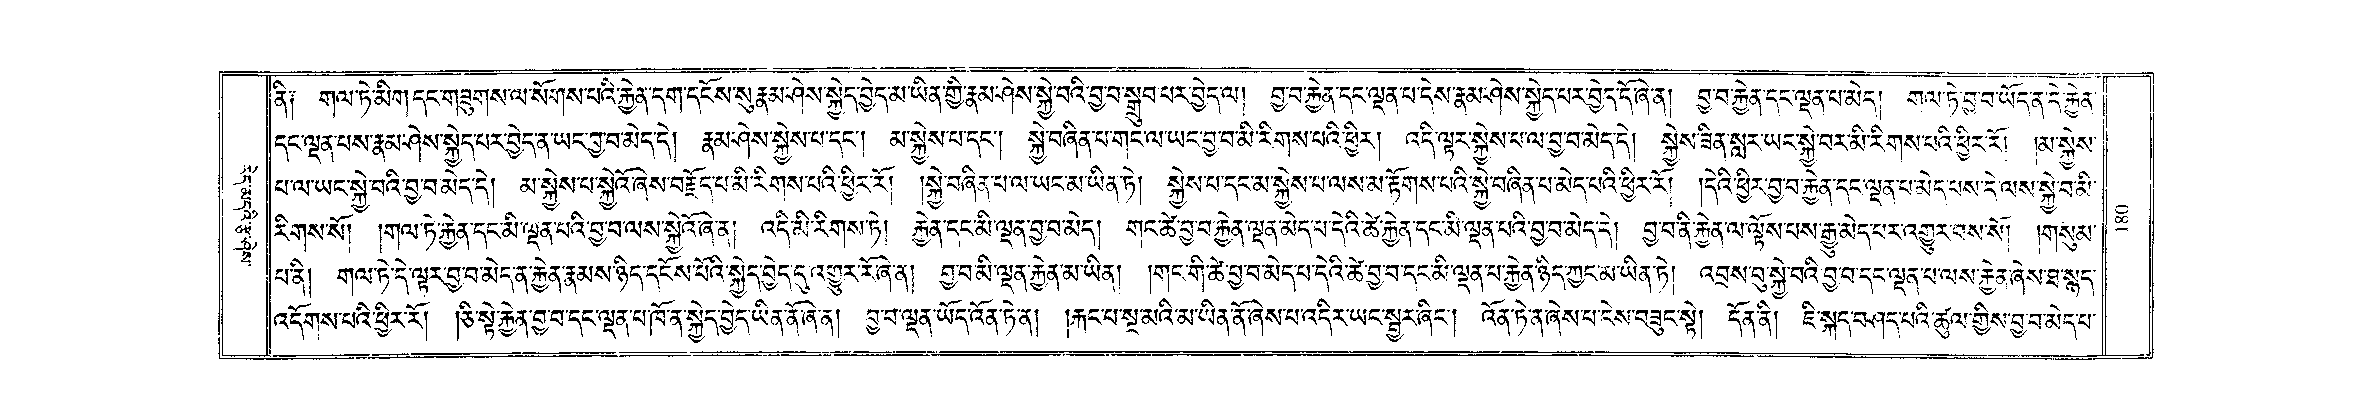ནི༑ གལ་ཏེ་མིག་དང་གཟུགས་ལ་སོགས་པའི་རྐྱེན་དག་དངོས་སུ་རྣམ་ཤེས་སྐྱེད་བྱེད་མ་ཡིན་གྱི་རྣམ་ཤེས་སྐྱེ་བའི་བྱ་བ་སྒྲུབ་པར་བྱེད་ལ། བྱ་བ་རྐྱེན་དང་ལྡན་པ་དེས་རྣམ་ཤེས་སྐྱེད་པར་བྱེད་དོ་ཞེ་ན། བྱ་བ་རྐྱེན་དང་ལྡན་པ་མེད། གལ་ཏེ་བྱ་བ་ཡོད་ན་དེ་རྐྱེན་
དང་ལྡན་པས་རྣམ་ཤེས་སྐྱེད་པར་བྱེད་ན་ཡང་བྱ་བ་མེད་དེ། རྣམ་ཤེས་སྐྱེས་པ་དང་། མ་སྐྱེས་པ་དང་། སྐྱེ་བཞིན་པ་གང་ལ་ཡང་བྱ་བ་མི་རིགས་པའི་ཕྱིར། འདི་ལྟར་སྐྱེས་པ་ལ་བྱ་བ་མེད་དེ། སྐྱེས་ཟིན་སླར་ཡང་སྐྱེ་བར་མི་རིགས་པའི་ཕྱིར་རོ། །མ་སྐྱེས་
པ་ལ་ཡང་སྐྱེ་བའི་བྱ་བ་མེད་དེ། མ་སྐྱེས་པ་སྐྱེའོ་ཞེས་བརྗོད་པ་མི་རིགས་པའི་ཕྱིར་རོ། །སྐྱེ་བཞིན་པ་ལ་ཡང་མ་ཡིན་ཏེ། སྐྱེས་པ་དང་མ་སྐྱེས་པ་ལས་མ་རྟོགས་པའི་སྐྱེ་བཞིན་པ་མེད་པའི་ཕྱིར་རོ། །དེའི་ཕྱིར་བྱ་བ་རྐྱེན་དང་ལྡན་པ་མེད་པས་དེ་ལས་སྐྱེ་བ་མི་
རིགས་སོ། །གལ་ཏེ་རྐྱེན་དང་མི་ལྡན་པའི་བྱ་བ་ལས་སྐྱེའོ་ཞེ་ན། འདི་མི་རིགས་ཏེ། རྐྱེན་དང་མི་ལྡན་བྱ་བ་མེད། གང་ཚེ་བྱ་བ་རྐྱེན་ལྡན་མེད་པ་དེའི་ཚེ་རྐྱེན་དང་མི་ལྡན་པའི་བྱ་བ་མེད་དེ། བྱ་བ་ནི་རྐྱེན་ལ་ལྟོས་པས་རྒྱུ་མེད་པར་འགྱུར་བས་སོ། །གསུམ་
པ་ནི། གལ་ཏེ་དེ་ལྟར་བྱ་བ་མེད་ན་རྐྱེན་རྣམས་ཉིད་དངོས་པོའི་སྐྱེད་བྱེད་དུ་འགྱུར་རོ་ཞེ་ན། བྱ་བ་མི་ལྡན་རྐྱེན་མ་ཡིན། །གང་གི་ཚེ་བྱ་བ་མེད་པ་དེའི་ཚེ་བྱ་བ་དང་མི་ལྡན་པ་རྐྱེན་ཉིད་ཀྱང་མ་ཡིན་ཏེ། འབྲས་བུ་སྐྱེ་བའི་བྱ་བ་དང་ལྡན་པ་ལས་རྐྱེན་ཞེས་ཐ་སྙད་
འདོགས་པའི་ཕྱིར་རོ། །ཅི་སྟེ་རྐྱེན་བྱ་བ་དང་ལྡན་པ་ཁོ་ན་སྐྱེད་བྱེད་ཡིན་ནོ་ཞེ་ན། བྱ་བ་ལྡན་ཡོད་འོན་ཏེ་ན། །རྐང་པ་སྔ་མའི་མ་ཡིན་ནོ་ཞེས་པ་འདིར་ཡང་སྦྱར་ཞིང་། འོན་ཏེ་ན་ཞེས་པ་ངེས་བཟུང་སྟེ། དོན་ནི། ཇི་སྐད་བཤད་པའི་ཚུལ་གྱིས་བྱ་བ་མེད་པ་